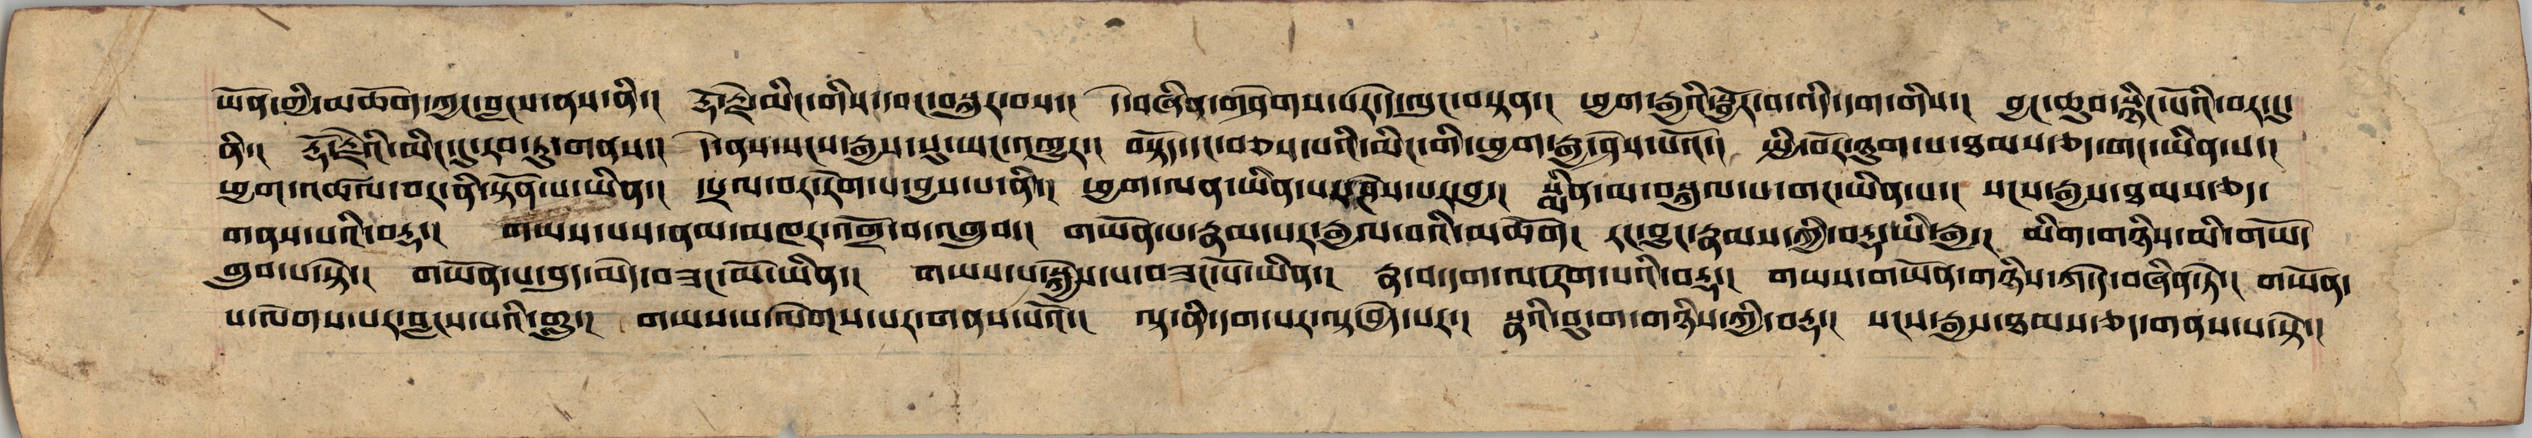ཡོན་གྱི་མཆོག་ཀྱང་བླངས་ནས་ནི་། རྡོ་རྗེ་མིང་གིས་དབང་བསྐུར་བས་། དེ་བཞིན་གཤེགས་པར་དེ་ལུང་བསྟན་། ཕྱག་རྒྱའི་སྦྱོར་བ་འདི་དག་གིས་། བྱང་ཆུབ་སྙིང་པོའི་བར་དུ་
ནི་། རྡོ་རྗེའི་མིང་དུ་རབ་ཏུ་གནས་། དེ་ནས་སངས་རྒྱས་སུ་ཡང་འགྱུར་། བསྟོད་དང་བཅས་པའི་མིང་གི་ཕྱག་རྒྱ་ཤེས་པའོ་། སྤྱི་བོར་ཉུག་པ་ཐམས་ཅད་གང་ཡིན་པ་།
ཕྱག་འཚལ་བར་ནི་སྟོན་པ་ཡིན་། དཔྲལ་བར་རེག་པ་བྱས་པ་ནི་། ཕྱག་ལན་ཡིན་པར་ཤེས་པར་་བྱ་། སྨིན་མ་བསྐུལ་པ་གང་ཡིན་པ་། སངས་རྒྱས་ཐམས་ཅད་
གནས་པའི་བརྡ་། གཡས་པས་ནམ་མཁར་འགྲོ་བ་འགྲུབ་། གཡོན་པ་རྣམ་པར་རྒྱལ་བའི་མཆོག། རང་བྱུང་རྣམས་ཀྱི་བརྡ་ཡི་རྒྱ་། མིག་གཉིས་མི་གཡོ་
གྲུབ་པ་སྟེ་། གཡོན་པ་བུད་མེད་བཟང་མོ་ཡིན་། གཡས་པ་སྐྱེས་པ་བཟང་པོ་ཡིན་། རྣ་བ་དག་ལ་རེག་པའི་བརྡ་། གཡས་གཡོན་གཉིས་ཀ་དེ་བཞིན་ཏེ་། གཡོན་
པ་ལེགས་པར་བླངས་པའི་གླུ་། གཡས་པ་ལེགས་པར་གནས་པའོ་། ལྟ་ནི་དག་པར་ལྟ་བྱེད་པར་། སྣའི་བུ་ག་གཉིས་ཀྱི་བརྡ་། སངས་རྒྱས་ཐམས་ཅད་གནས་པ་སྟེ་།